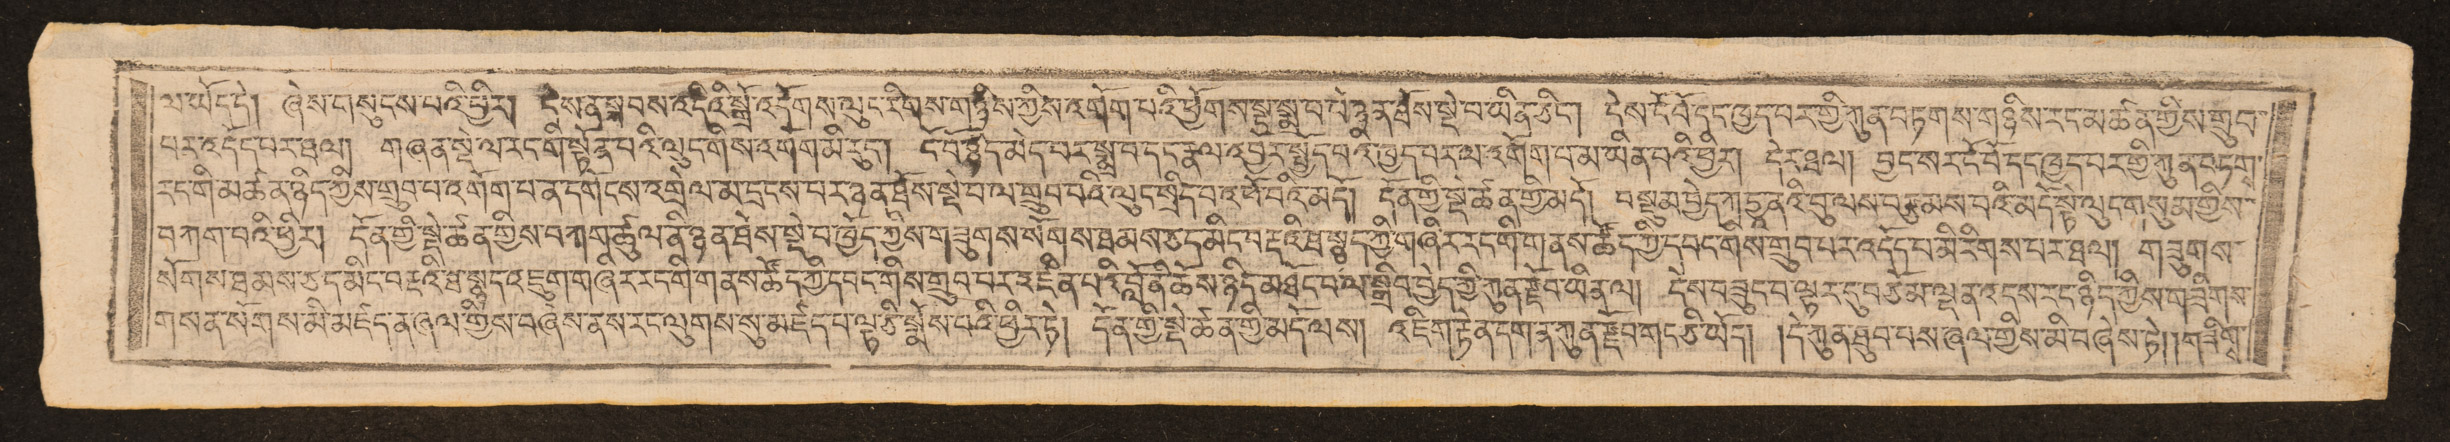ལ་ཡོད་དེ། ཞེས་གསུངས་པའི་ཕྱིར། དེས་ན་སྐབས་འདིའི་སྒྲོ་འདོགས་ལུང་རིགས་གཉིས་ཀྱིས་འགོག་པའི་ཕྱོགས་སྔ་སྨྲ་པ་པོ་ཉན་ཐོས་སྡེ་པ་ཡིན་ཅིང་། དེས་ངོ་བོ་དང་ཁྱད་པར་གྱི་ཀུན་བཏགས་གཉིས་རང་མཚན་གྱིས་གྲུབ་
པར་འདོད་པར་ཐལ། གཞན་སྡེ་ལ་རང་གི་སྟོན་པའི་ལུང་གིས་འགོག་མི་རུང་། ངོ་བོ་ཉིད་མེད་པར་སྨྲ་བ་དང་རྣལ་འབྱོར་སྤྱོད་པའི་ཁྱད་པར་ལ་འགོག་པ་མ་ཡིན་པའི་ཕྱིར། དེར་ཐལ། བྱང་སར་ངོ་བོ་དང་ཁྱད་པར་གྱི་ཀུན་བཏགས་
རང་གི་མཚན་ཉིད་ཀྱིས་གྲུབ་པ་འགོག་པ་ན་དགོངས་འགྲེལ་མ་དྲངས་བར་ཉན་ཐོས་སྡེ་པ་ལ་གྲུབ་པའི་ལུང་སྲིད་པ་འཕོ་བའི་མདོ། དོན་གྱི་སྡེ་ཚན་གྱི་མདོ། བསྡུམ་བྱེད་ཀ་དྱཱ་ནའི་བུ་ལས་བརྩམས་པའི་མདོ་སྡེ་ལུང་གསུམ་གྱིས་
བཀག་པའི་ཕྱིར། དོན་གྱི་སྡེ་ཚན་གྱིས་བཀག་ཚུལ་ནི་ཉན་ཐོས་སྡེ་པ་ཁྱོད་ཀྱིས་གཟུགས་སོགས་ཐམས་ཅད་མིང་བརྡའི་ཐ་སྙད་ཀྱི་གཞིར་རང་གི་གནས་ཚོད་ཀྱི་དབང་གིས་གྲུབ་པར་འདོད་པ་མི་རིགས་པར་ཐལ། གཟུགས་
སོགས་ཐམས་ཅད་མིང་བརྡའི་ཐ་སྙད་འཇུག་གཞིར་རང་གི་གནས་ཚོད་ཀྱི་དབང་གིས་གྲུབ་པར་འཛིན་པའི་བློ་ནི་ཆོས་ཉིད་མཐོང་བ་ལ་སྒྲིབ་བྱེད་ཀྱི་ཀུན་རྫོབ་ཡིན་ལ། དེས་བཟུང་བ་ལྟར་དུ་བཅོམ་ལྡན་འདས་རང་ཉིད་ཀྱིས་གཟིགས་
གསན་སོགས་མི་མཛད་ན་ཞལ་གྱིས་བཞེས་ནས་རང་ལུགས་སུ་མཛད་པ་ལྟ་ཅི་སྨོས་པའི་ཕྱིར་ཏེ། དོན་གྱི་སྡེ་ཚན་གྱི་མདོ་ལས། འཇིག་རྟེན་དག་ན་ཀུན་རྫོབ་གང་ཅི་ཡོད། །དེ་ཀུན་ཐུབ་པས་ཞལ་གྱིས་མི་བཞེས་ཏེ། །གཟིགས་